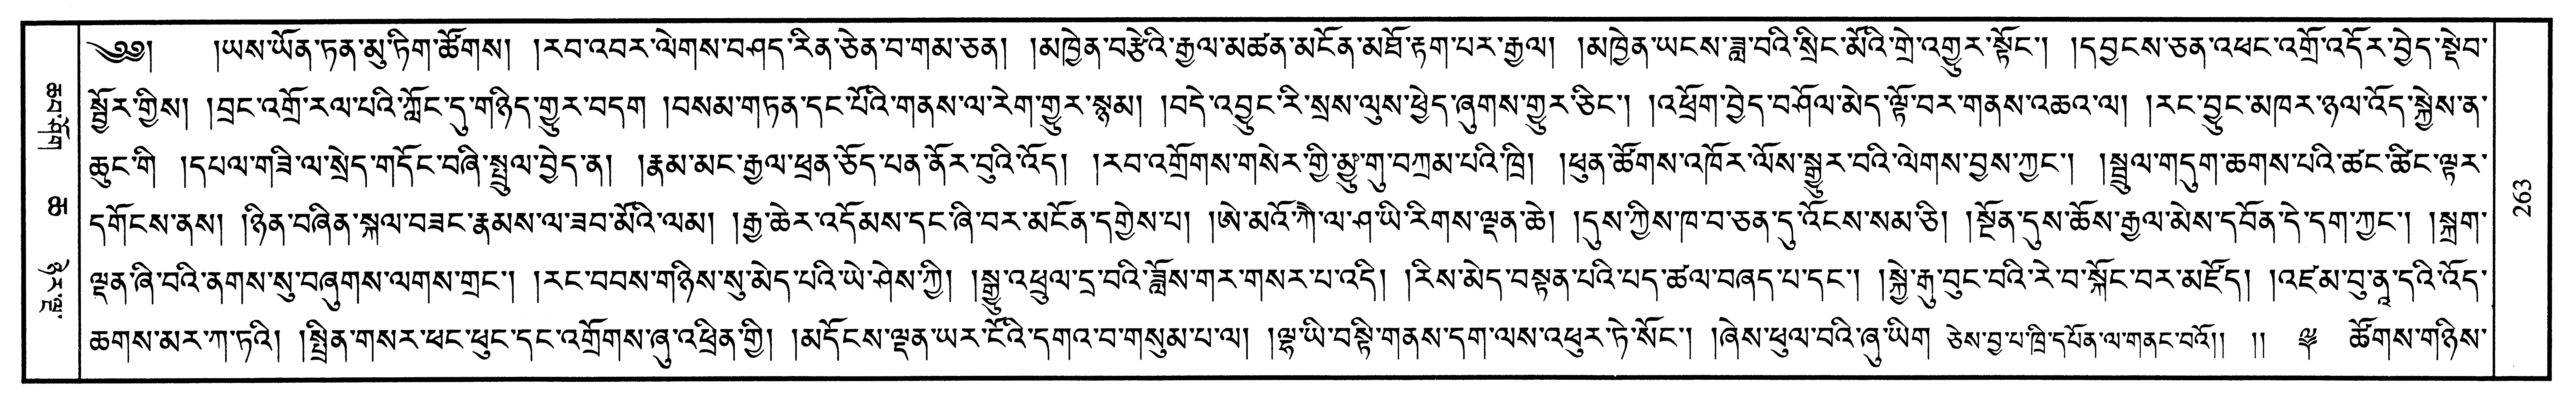༄༅། །ཡས་ཡོན་ཏན་མུ་ཏིག་ཚོགས། །རབ་འབར་ལེགས་བཤད་རིན་ཅེན་བ་གམ་ཅན། །མཁྱེན་བརྩེའི་རྒྱལ་མཚན་མངོན་མཐོ་རྟག་པར་རྒྱལ། །མཁྱེན་ཡངས་ཟླ་བའི་སྲིང་མོའི་གྲེ་འགྱུར་སྟོང་། །དབྱངས་ཅན་འཕང་འགྲོ་འདོར་བྱེད་སྡེབ་
སྦྱོར་གྱིས། །བྲང་འགྲོ་རལ་པའི་ཀློང་དུ་གཉིད་གྱུར་བདག །བསམ་གཏན་དང་པོའི་གནས་ལ་རེག་གྱུར་སྙམ། །བདེ་འབྱུང་རི་སྲས་ལུས་ཕྱེད་ཞུགས་གྱུར་ཅིང་། །འཕྲོག་བྱེད་བཤོལ་མེད་ལྟོ་བར་གནས་འཆའ་ལ། །རང་བྱུང་མཁར་ཉལ་འོད་སྐྱེས་ན་
ཆུང་གི །དཔལ་གཟི་ལ་སྲེད་གདོང་བཞི་སྤྲུལ་བྱེད་ན། །རྣམ་མང་རྒྱལ་ཕྲན་ཅོད་པན་ནོར་བུའི་འོད། །རབ་འགྲོགས་གསེར་གྱི་མྱུ་གུ་བཀྲམ་པའི་ཁྲི། །ཕུན་ཚོགས་འཁོར་ལོས་སྒྱུར་བའི་ལེགས་བྱས་ཀྱང་། །སྦྲུལ་གདུག་ཆགས་པའི་ཚང་ཚིང་ལྟར་
དགོངས་ནས། །ཉིན་བཞིན་སྐལ་བཟང་རྣམས་ལ་ཟབ་མོའི་ལམ། །རྒྱ་ཆེར་འདོམས་དང་ཞི་བར་མངོན་དགྱེས་པ། །ཨེ་མའོ་ཀཻ་ལ་ཤ་ཡི་རིགས་ལྡན་ཆེ། །དུས་ཀྱིས་ཁ་བ་ཅན་དུ་འོངས་སམ་ཅི། །སྔོན་དུས་ཆོས་རྒྱལ་མེས་དབོན་དེ་དག་ཀྱང་། །སྐྲག་
ལྡན་ཞི་བའི་ནགས་སུ་བཞུགས་ལགས་གྲང་། །རང་བབས་གཉིས་སུ་མེད་པའི་ཡེ་ཤེས་ཀྱི། །སྒྱུ་འཕྲུལ་དྲ་བའི་ཟློས་གར་གསར་པ་འདི། །རིས་མེད་བསྟན་པའི་པད་ཚལ་བཞད་པ་དང་། །སྐྱེ་རྒུ་བུང་བའི་རེ་བ་སྐོང་བར་མཛོད། །འཛམ་བུ་ནཱ་དའི་འོད་
ཆགས་མར་ཀ་ཏའི། །སྤྲིན་གསར་ཕང་ཕུང་དང་འགྲོགས་ཞུ་འཕྲིན་གྱི། །མདོངས་ལྡན་ཡར་ངོའི་དགའ་བ་གསུམ་པ་ལ། །ལྷ་ཡི་བསྟི་གནས་དག་ལས་འཕུར་ཏེ་སོང་། །ཞེས་ཕུལ་བའི་ཞུ་ཡིག་ཅེས་བྱ་པ་ཁྲི་དཔོན་ལ་གནང་བའོ།། །། ༈ ཚོགས་གཉིས་